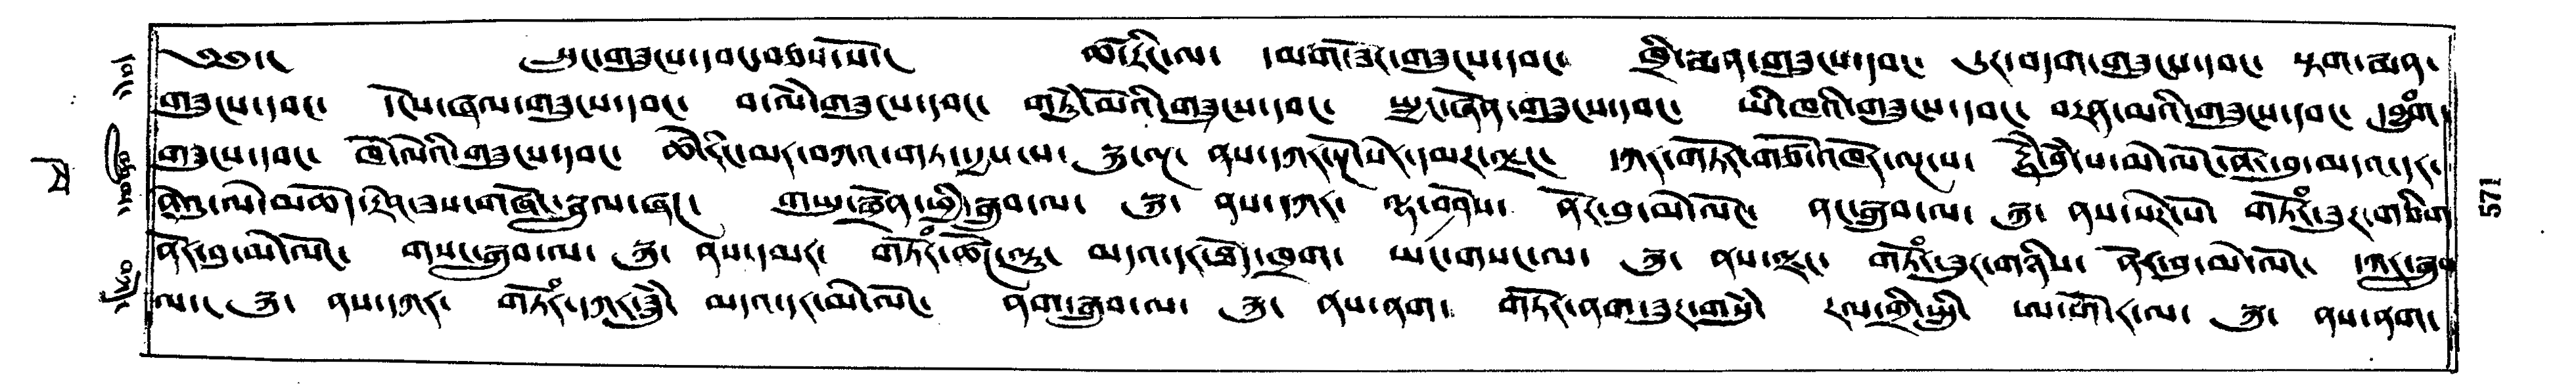སྲུང་གཟུངས་དབང་བཅས་སོ།། ཚ་རྟིང་ལ། དམག་ཟོར་གཟུངས་དབང་། ཁྲི་སྨན་གཟུངས་དབང་། དུར་བདག་གཟུངས་དབང་། སྟག་སྨན་
གཟུངས་དབང་། སེང་ཞལ་གཟུངས་དབང་། བ་ལམ་གཟུངས་དབང་། གཏུམ་མོའི་གཟུངས་དབང་། སྤྱང་ཞོན་གཟུངས་དབང་།ཡི་ཁའི་གཟུངས་དབང་། བརྟན་མའི་གཟུངས་དབང་། དབང་ཕྱུག་
གཟུངས་དབང་། ཁོ་ལེའི་གཟུངས་དབང་། ཚེ་རིང་མར་བཀའ་གཏད་རྒྱས་པ། སྐུ་ལྔ། ནས་དཀར། སྔོ། སེར། དམར། ལྗང་། དཀར་གཏོར་གཙོ་འཁོར་ལྔ་པ། རྡོ་རྗེ། བུམ་པ། མེ་ལོང་། ནོར་བུ། མདའ་དར། 
ནེའུ་ལེ། མཆོད་རྟེན། ཟས་གཞོང་། སྦྲུལ་ཞགས། གཡུ་སྒྲོན་ཕྱི་སྒྲུབ་ལ། སྐུ། ནས་དཀར། ལྷ་བཤེས། ནོར་བུ་མེ་ལོང་། ནང་སྒྲུབ་ལ། སྐུ། ནས་སེར་པོ། གཏོར་མ་ཟུར་གཅིག་
ནོར་བུ་མེ་ལོང་། གསང་སྒྲུབ་ལ། སྐུ། ནས་དམར། གཏོར་མ་ཚོགས་ལྟ་བུ། མདའ་དར། ཐོད་ཁྲག ཡང་གསང་ལ། སྐུ། ནས་ལྗང་། གཏོར་མ་ཟུར་གཉིས། ནོར་བུ་མེ་ལོང་། དཀར་སྒྲུབ་
ལ། སྐུ། ནས་དཀར། གཏོར་མ་དཀར་ཟླུམ། མདའ་དར་མེ་ལོང་། ནག་སྒྲུབ་ལ། སྐུ། ནས་ནག། གཏོར་ནག་ཟུར་གསུམ། རལ་གྲི། སྤུ་གྲི ཨ་གོ་ར་ལ། སྐུ། ནས་ནག